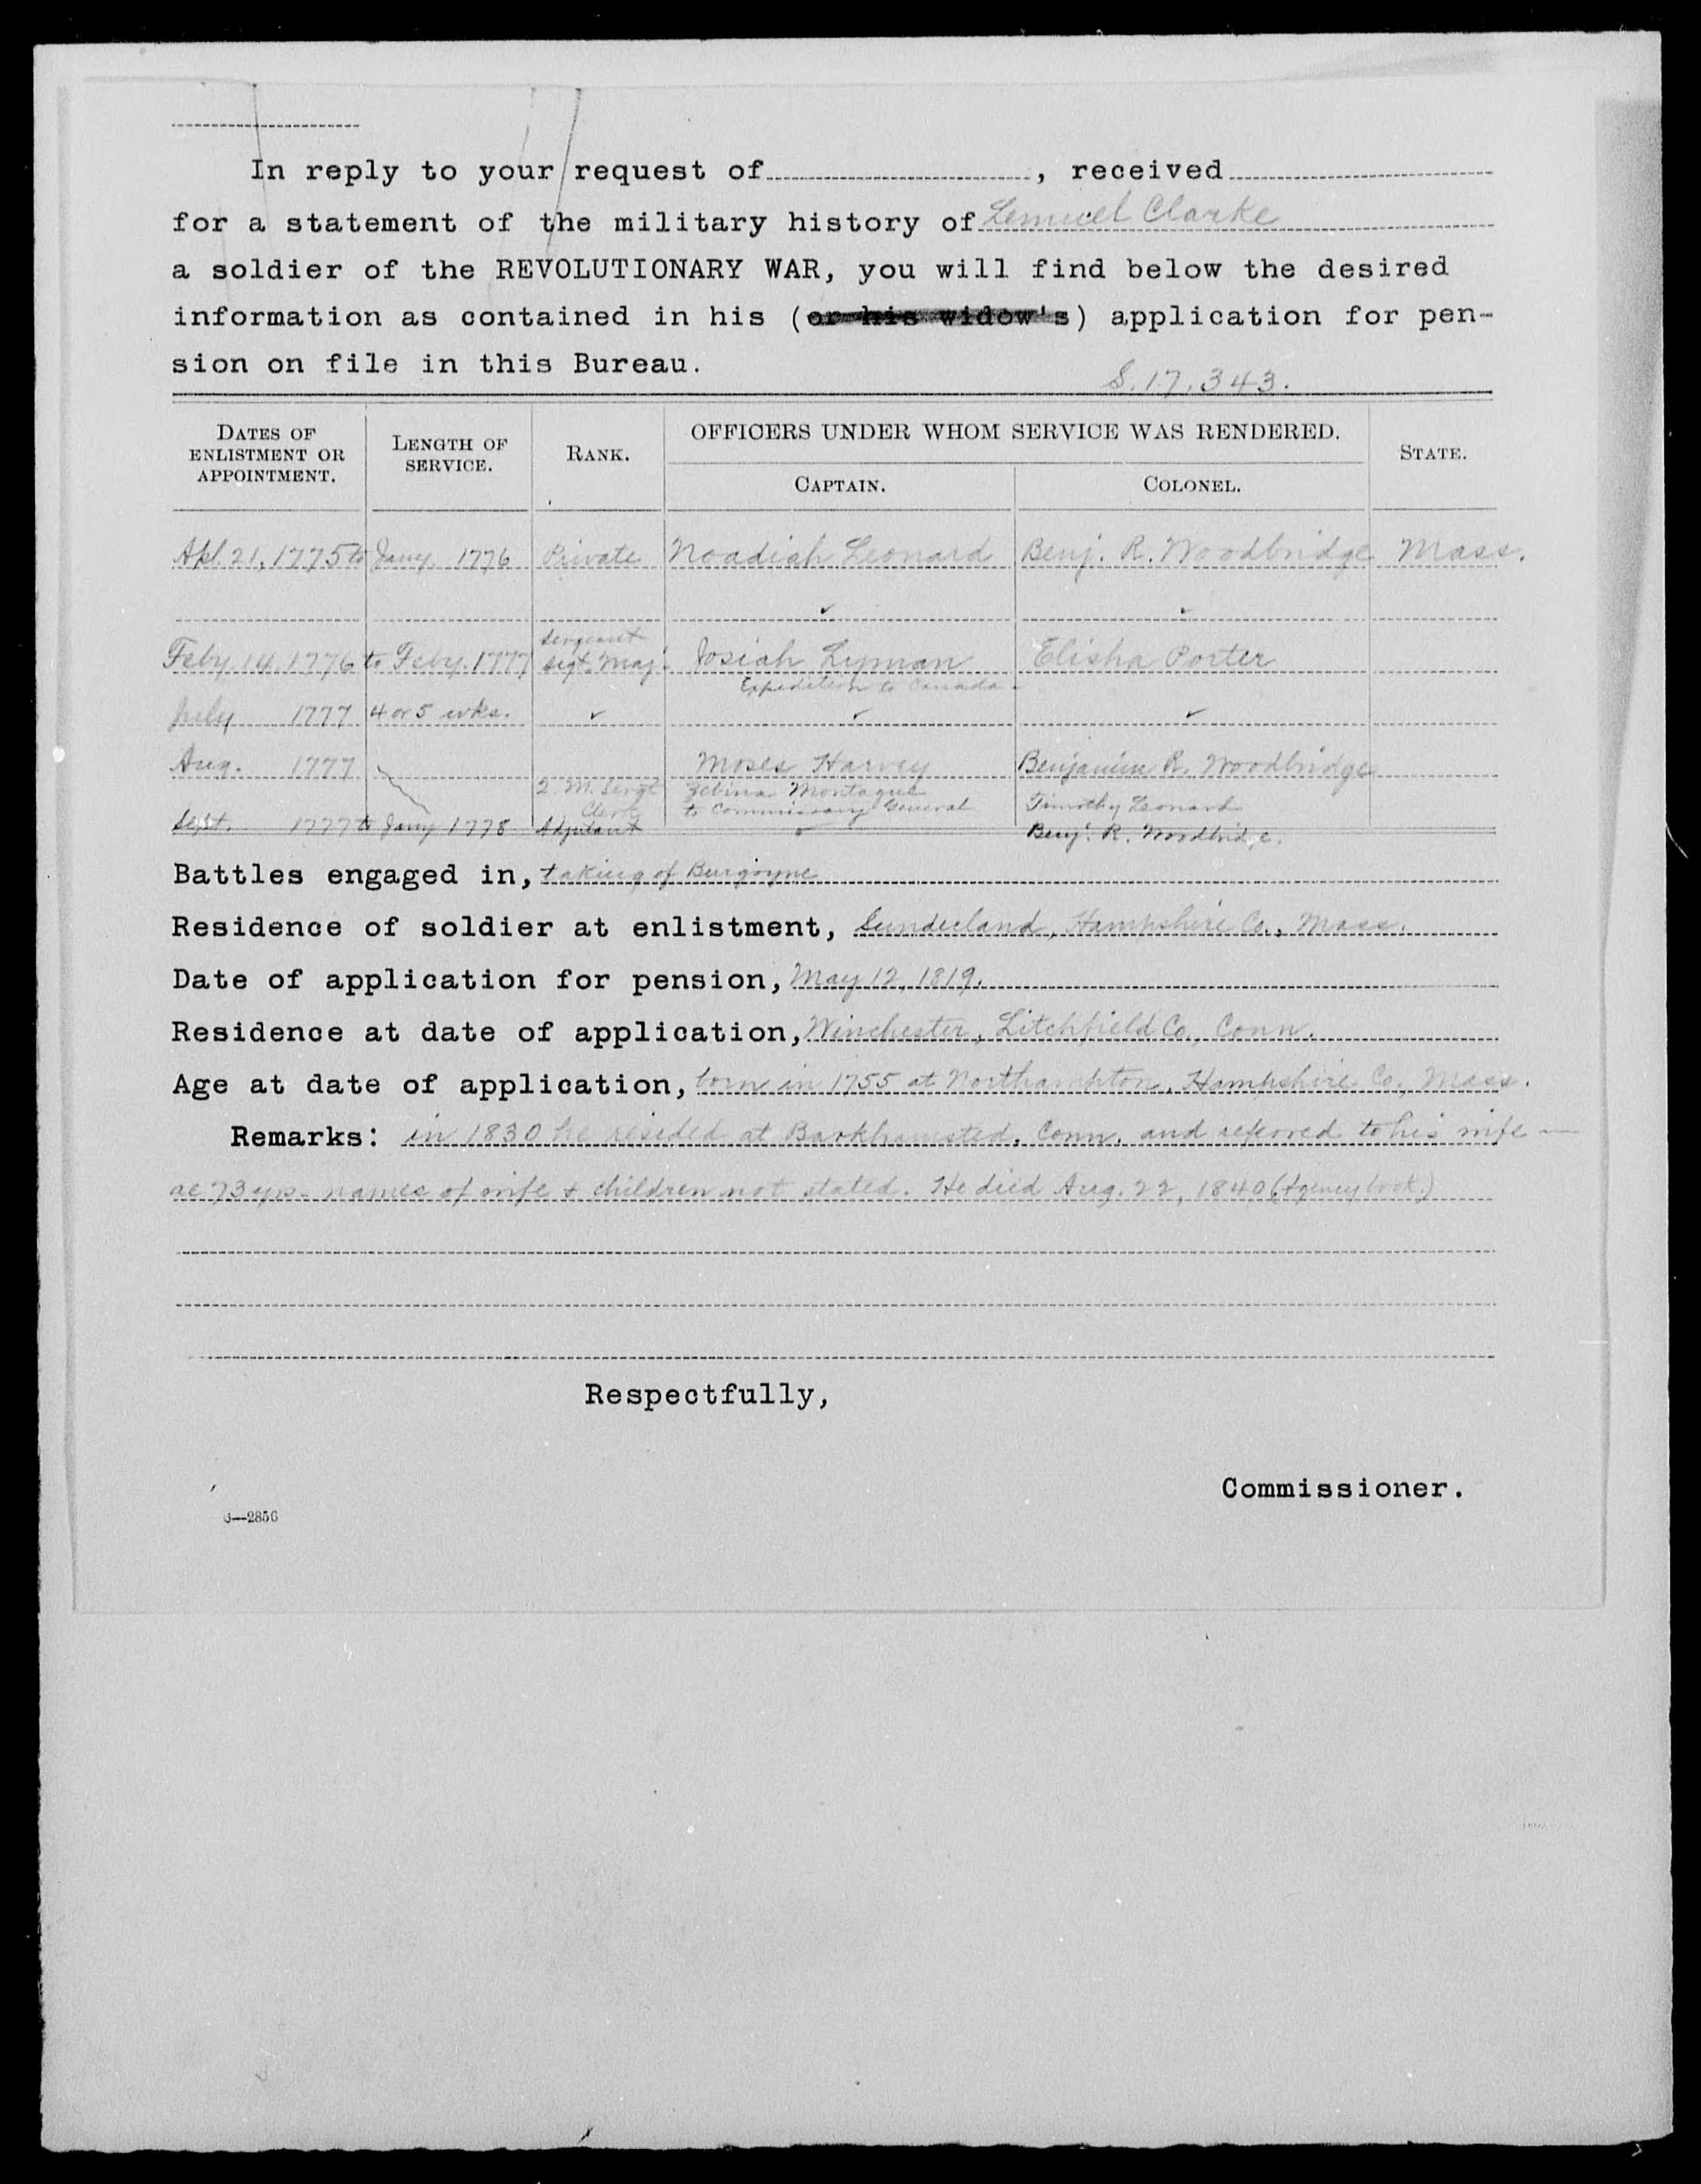In reply to your request of ___, received ____ for a statement of the military history of Lemuel Clarke a soldier of the REVOLUTIONARY WAR you will find below the desired formation as contained in his [crossed out: (or his widow's)] application for pension on file in this Bureau. S. 17343 
[table headings]
DATES OF ENLISTMENT OR APPOINTMENT. | LENGTH OF SERVICE. | RANK. | OFFICERS UNDER WHOM SERVICE WAS RENDERED CAPTAIN | COLONEL | STATE
[row 1] Apr 21, 1775 | Jany 1776 | Private | Noadiah Leonard | Benj R. Woodbridge | Mass
[row 2] Feby 14 1776 | to Feby 1777 | Sergeant & Sgnt Maj | Josiah Lyman | Elisha Porter | [blank]
[row 3 ]July 177 | 4 or 5 weeks | " | expedition to Canada | " | [blank]
[row 4]Aug 1777 | [blank] | [blank] | Moses Harvey | Benjamin B Woodbridge | [blank]
[row 5] Sept 1777 | to Jany 1778 | Q.M.Sergt Clerk | Zebina Montague to Commissary General | Timothy Leonard Benj. R Woodbridge | [blank]

Battles engaged in, taking of Burgoyne
Residence of soldier at enlistment, Sunderland Hampshire Co. Mass. 
Date of application for pension, May 12, 1819. 
Residence at date of application, Winchester, Litchfield Co, Conn 
Age at date of application, born in 1755 at Northampton, Hampshire Co. Mass. 
Remarks: in 1830 he resided at Barkhamsted conn, and referred to his wife at 73 years , names of wife & children not stated. He died Aug. 22, 1840 (agency book). Respectfully, Commissioner,
6 -- 2856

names: Lemuel Clarke, Josiah Lyman, Zebina Montague, Moses Harvey, Benj R Woodbridge, Elisha Porter, Benjamin R Woodbridge, Benj R Woodbridge, Timothy Leonard, Noadiah Leonard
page: 11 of 48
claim: survivor's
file: S. 17343, Lemuel Clarke, Mass.